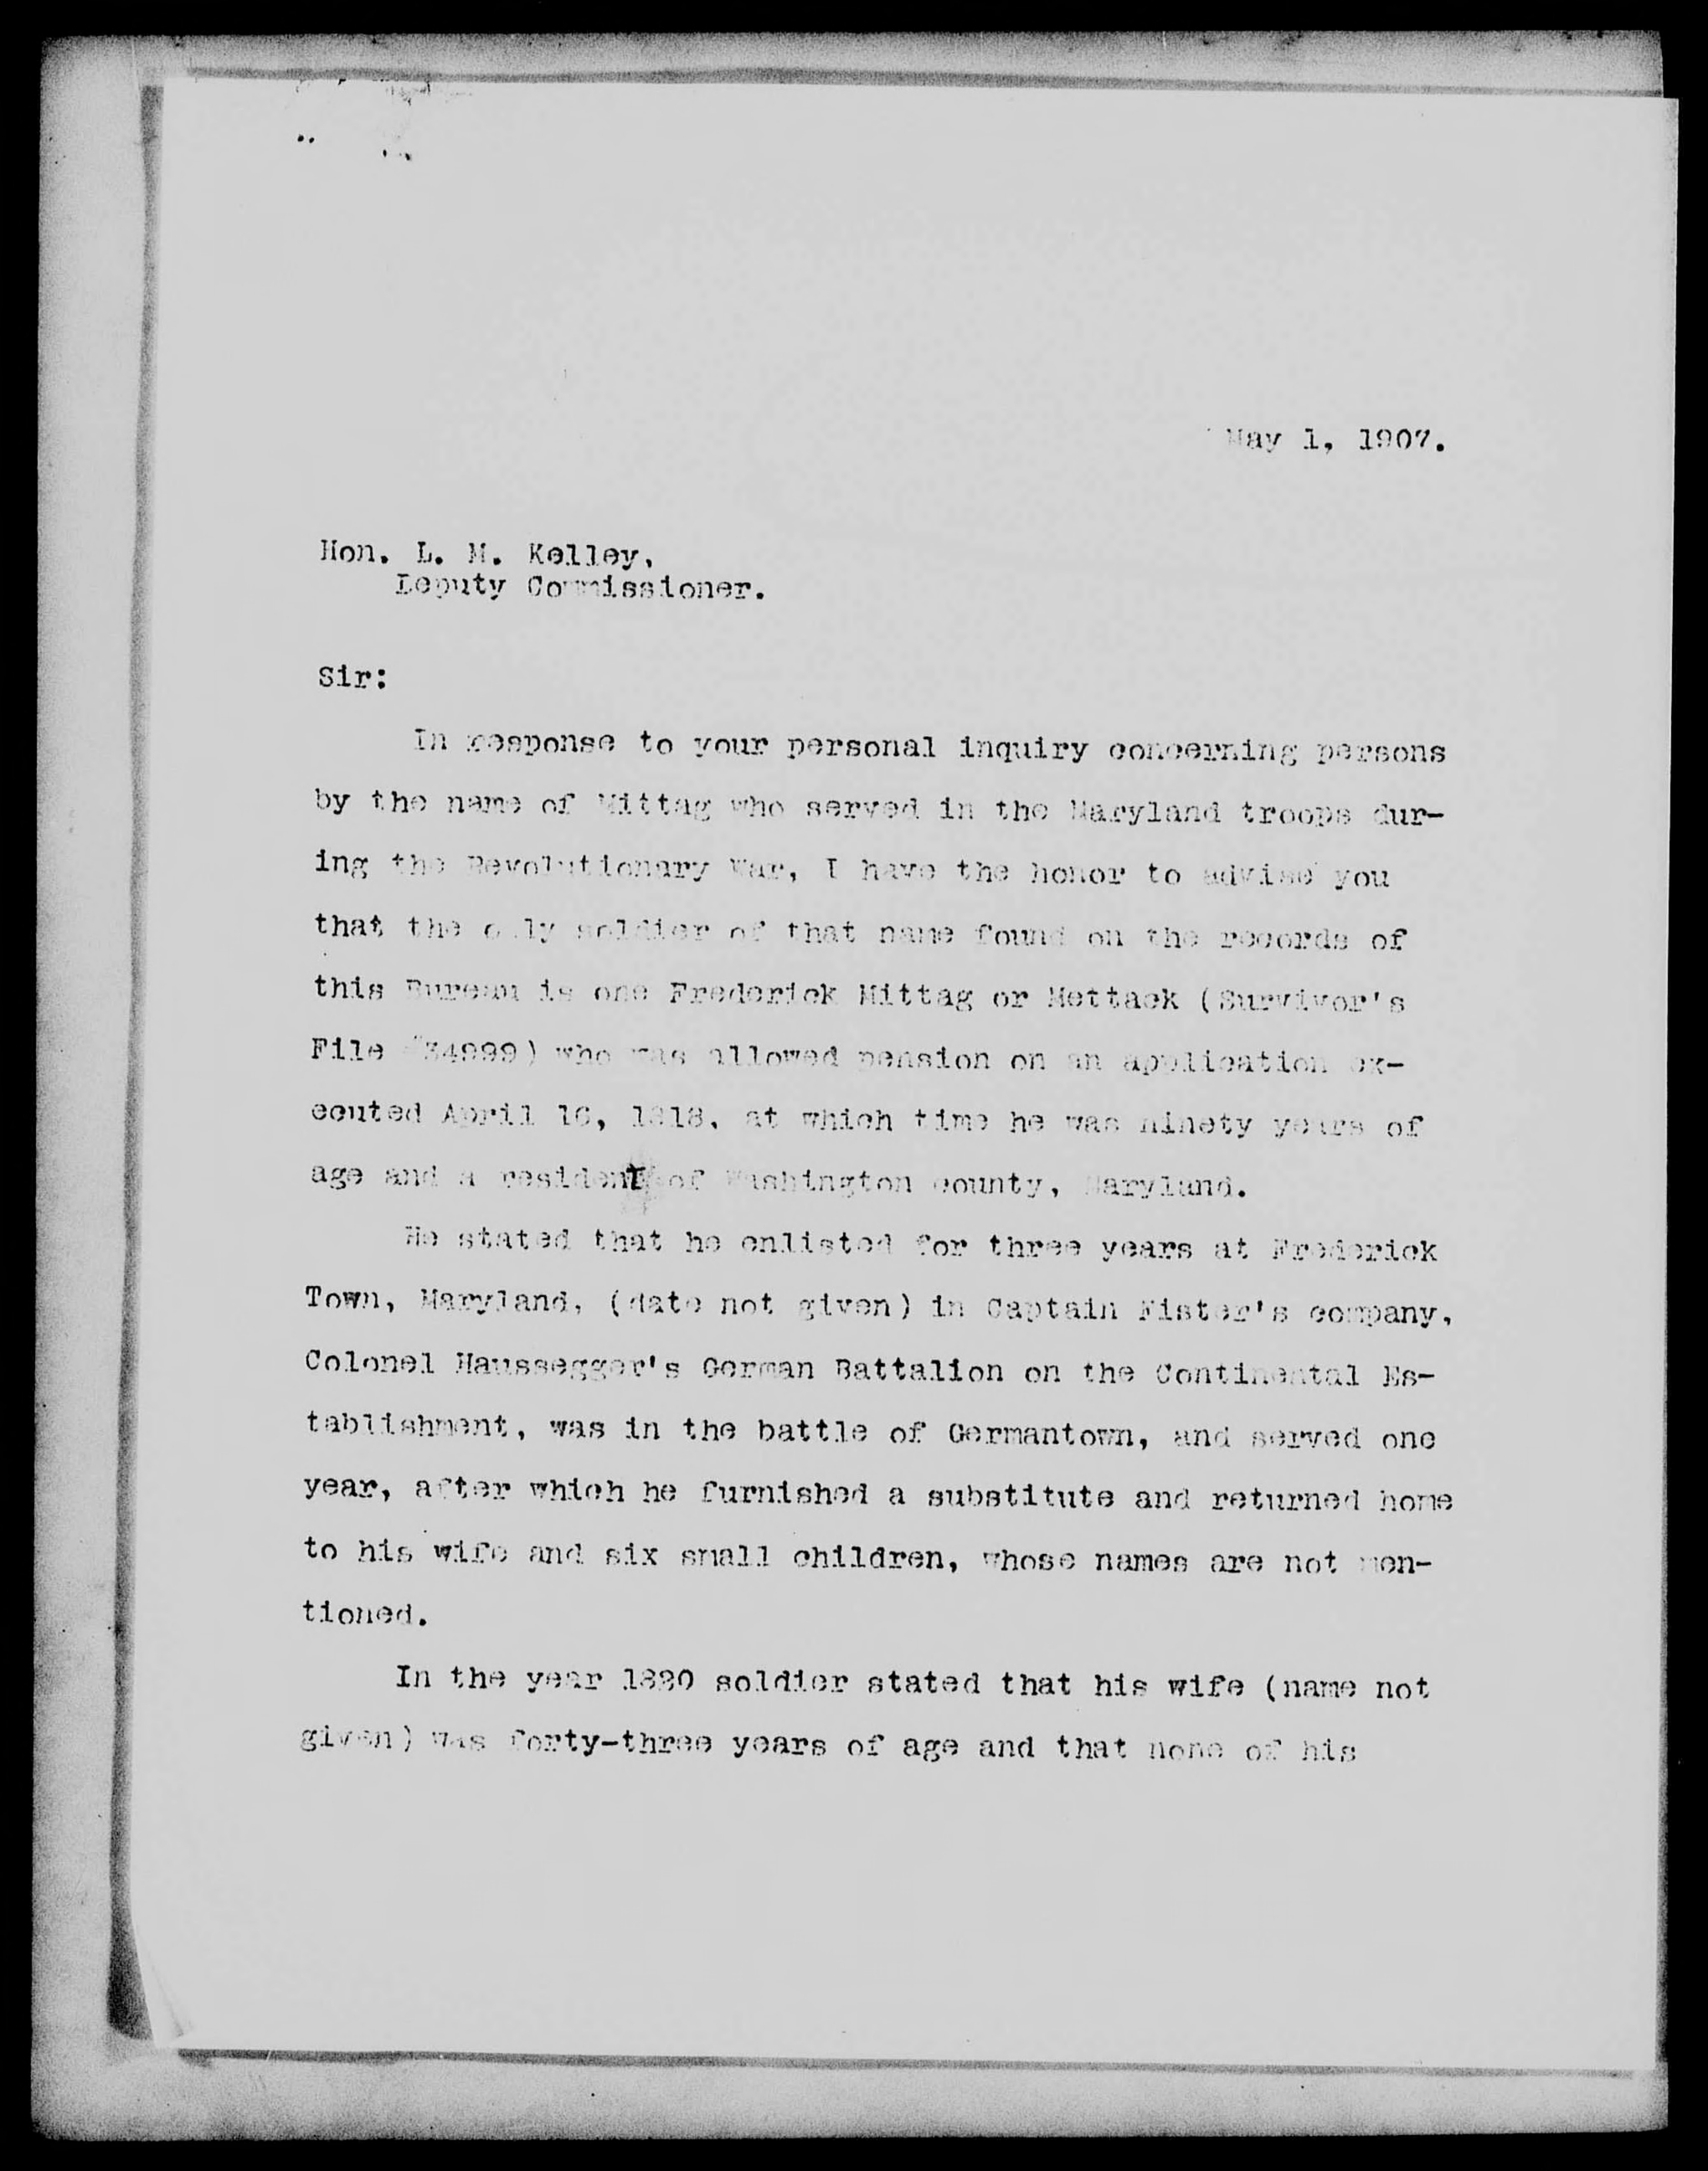May 1, 1907.

Hon. L. M. Kelley,
Deputy Commissioner.

Sir:

In response to your personal inquiry concerning persons by the name of Mittag who served in the Maryland troops during the Revolutionary War, I have the honor to advise you that the only soldier of that name found on the records of this Bureau is one Frederick Mittag or Mettack (Survivor's File #34999) who was allowed pension on an application executed April 16, 1818, at which time he was ninety years of age and a resident of Washington county, Maryland.

He stated that he enlisted for three years at Frederick Town, Maryland, (date not given) in Captain Fister's company, Colonel Haussegger's German Battalion on the Continental Establishment, was in the battle of Germantown, and served one year, after which he furnished a substitute and returned home to his wife and six small children, whose names are not mentioned.

In the year 1820 soldier stated that his wife (name not given) was forty-three years of age and that none of his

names: [BLANK] Mittag; Frederick Mettack; Frederick Mittag; L M Kelley; [BLANK] Haussegger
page: 10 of 13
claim: survivor's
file: S. 34999, for Frederick Mittag, Maryland